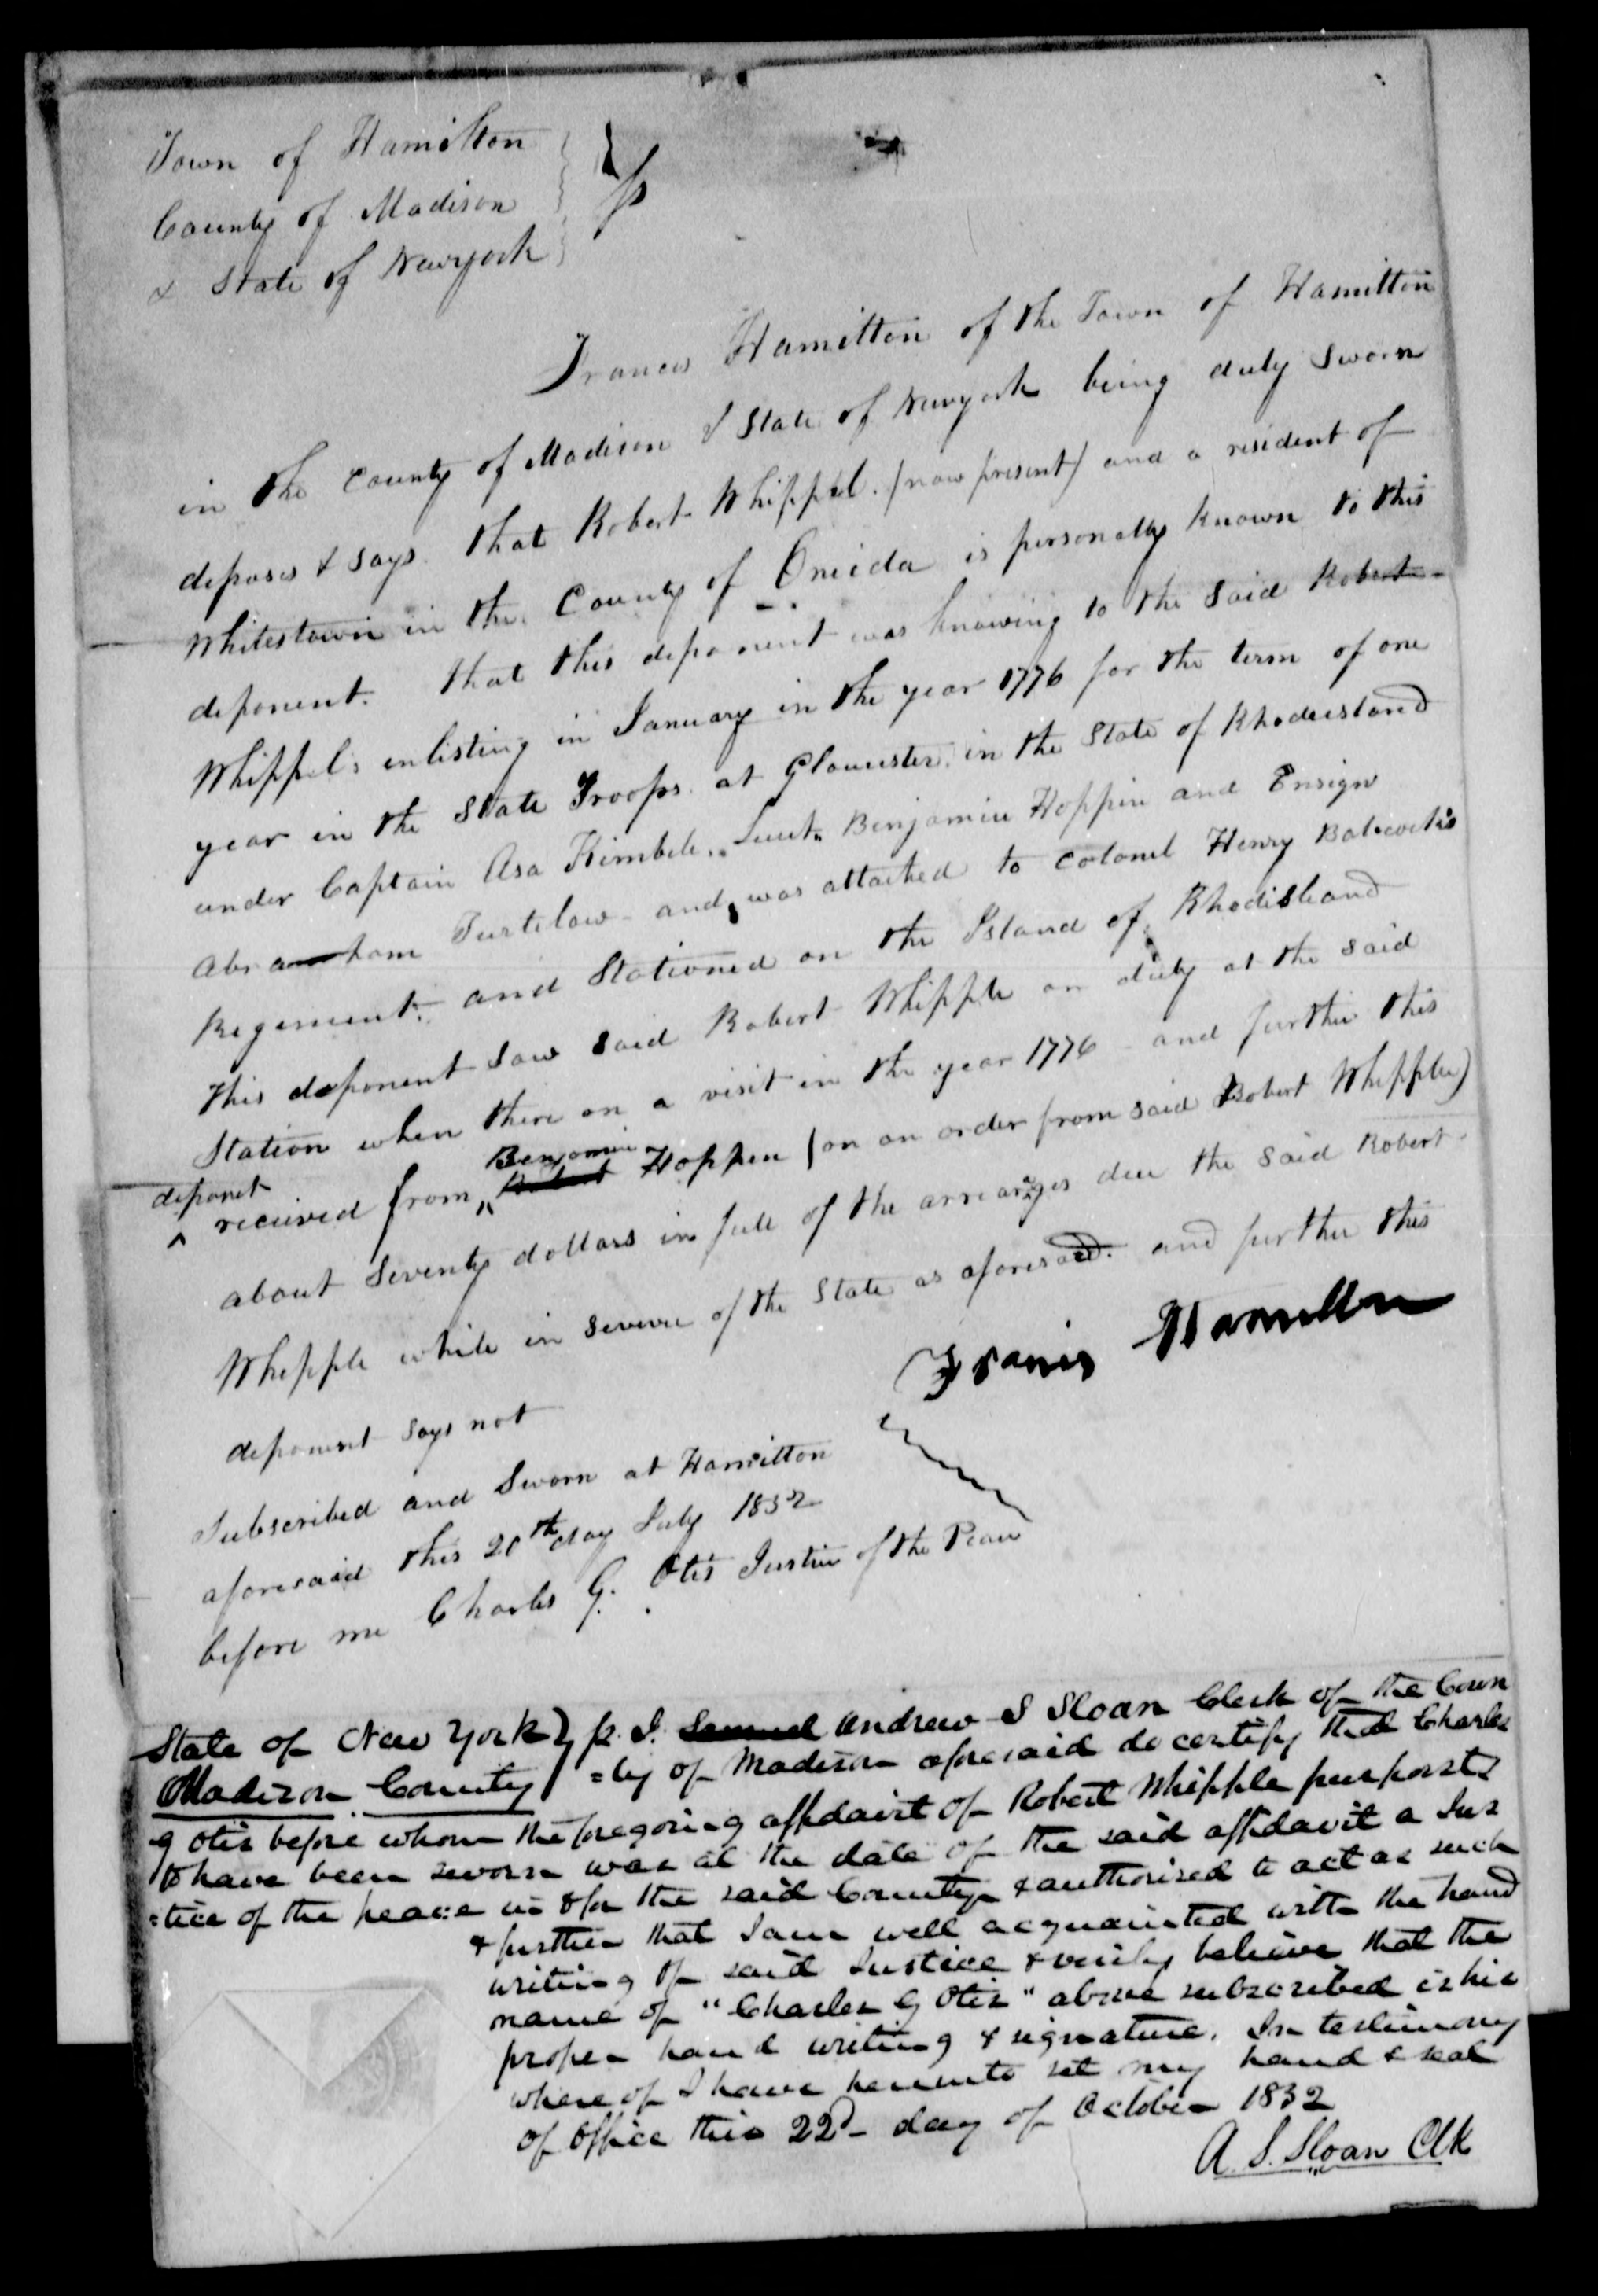Town of Hamilton}
County of Madison}
& State of New York}

Francis Hamilton of the Town of Hamilton in the County of Madison & State of New York being duly Sworn deposes & says that Robert Whippel (now present) and a resident of Whitestown in the County of Oneida is personally known to this deponent, that this deponent was knowing to the said Robert Whippel's enlisting in January in the year 1776 for the term of one year in the State Troops at Gloucester, in the State of Rhode Island under Captain Asa Kimbele, Lieut. Benjamin Hoppin and Ensign Abraham Furtilow and was attached to Colonel Henry Babcock's Regiment, and Stationed on the Island of Rhodisland  This deponent saw said Robert Whippel on duty at the said Station when there on a visit in the year 1776 and further this deponent received from Benjamin Hoppin (on an order from said Robert Whippel) about Seventy dollars in full of the arrears due said Robert Whippel while in service of the State aforesaid and further this deponent says not
Francis Hamilton

Subscribed and Sworn at Hamilton aforesaid this 20th day July 1832 before me
Charles G. Otis Justice of the Peace

State of New York}
Madison County}

P. S.  Andrew S Sloan Clerk of the County of Madison aforesaid do certify that Charles G Otis before whom the foregoing affidavit of Robert Whippel purports to have been sworn was at the date of the said affidavit a Justice of the peace in & for the said County & authorised to act as such & further that I am well acquainted with the hand writing of "Charles G Otis" above subscribed is his proper hand writing & signature.  In testimony whereof I have hereunto set my hand & seal of Office this 22d day of October 1832
A. S. Sloan Clk
[seal affixed to page]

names: Benjamin Hoppin, Francis Hamilton, Asa Kimbele, Charles G Otis, Andrew S Sloan, Robert Whipple, Robert Whippel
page: 3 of 18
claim: survivor's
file: S. 11731, Robert Whippel, Continental Mass R. I.